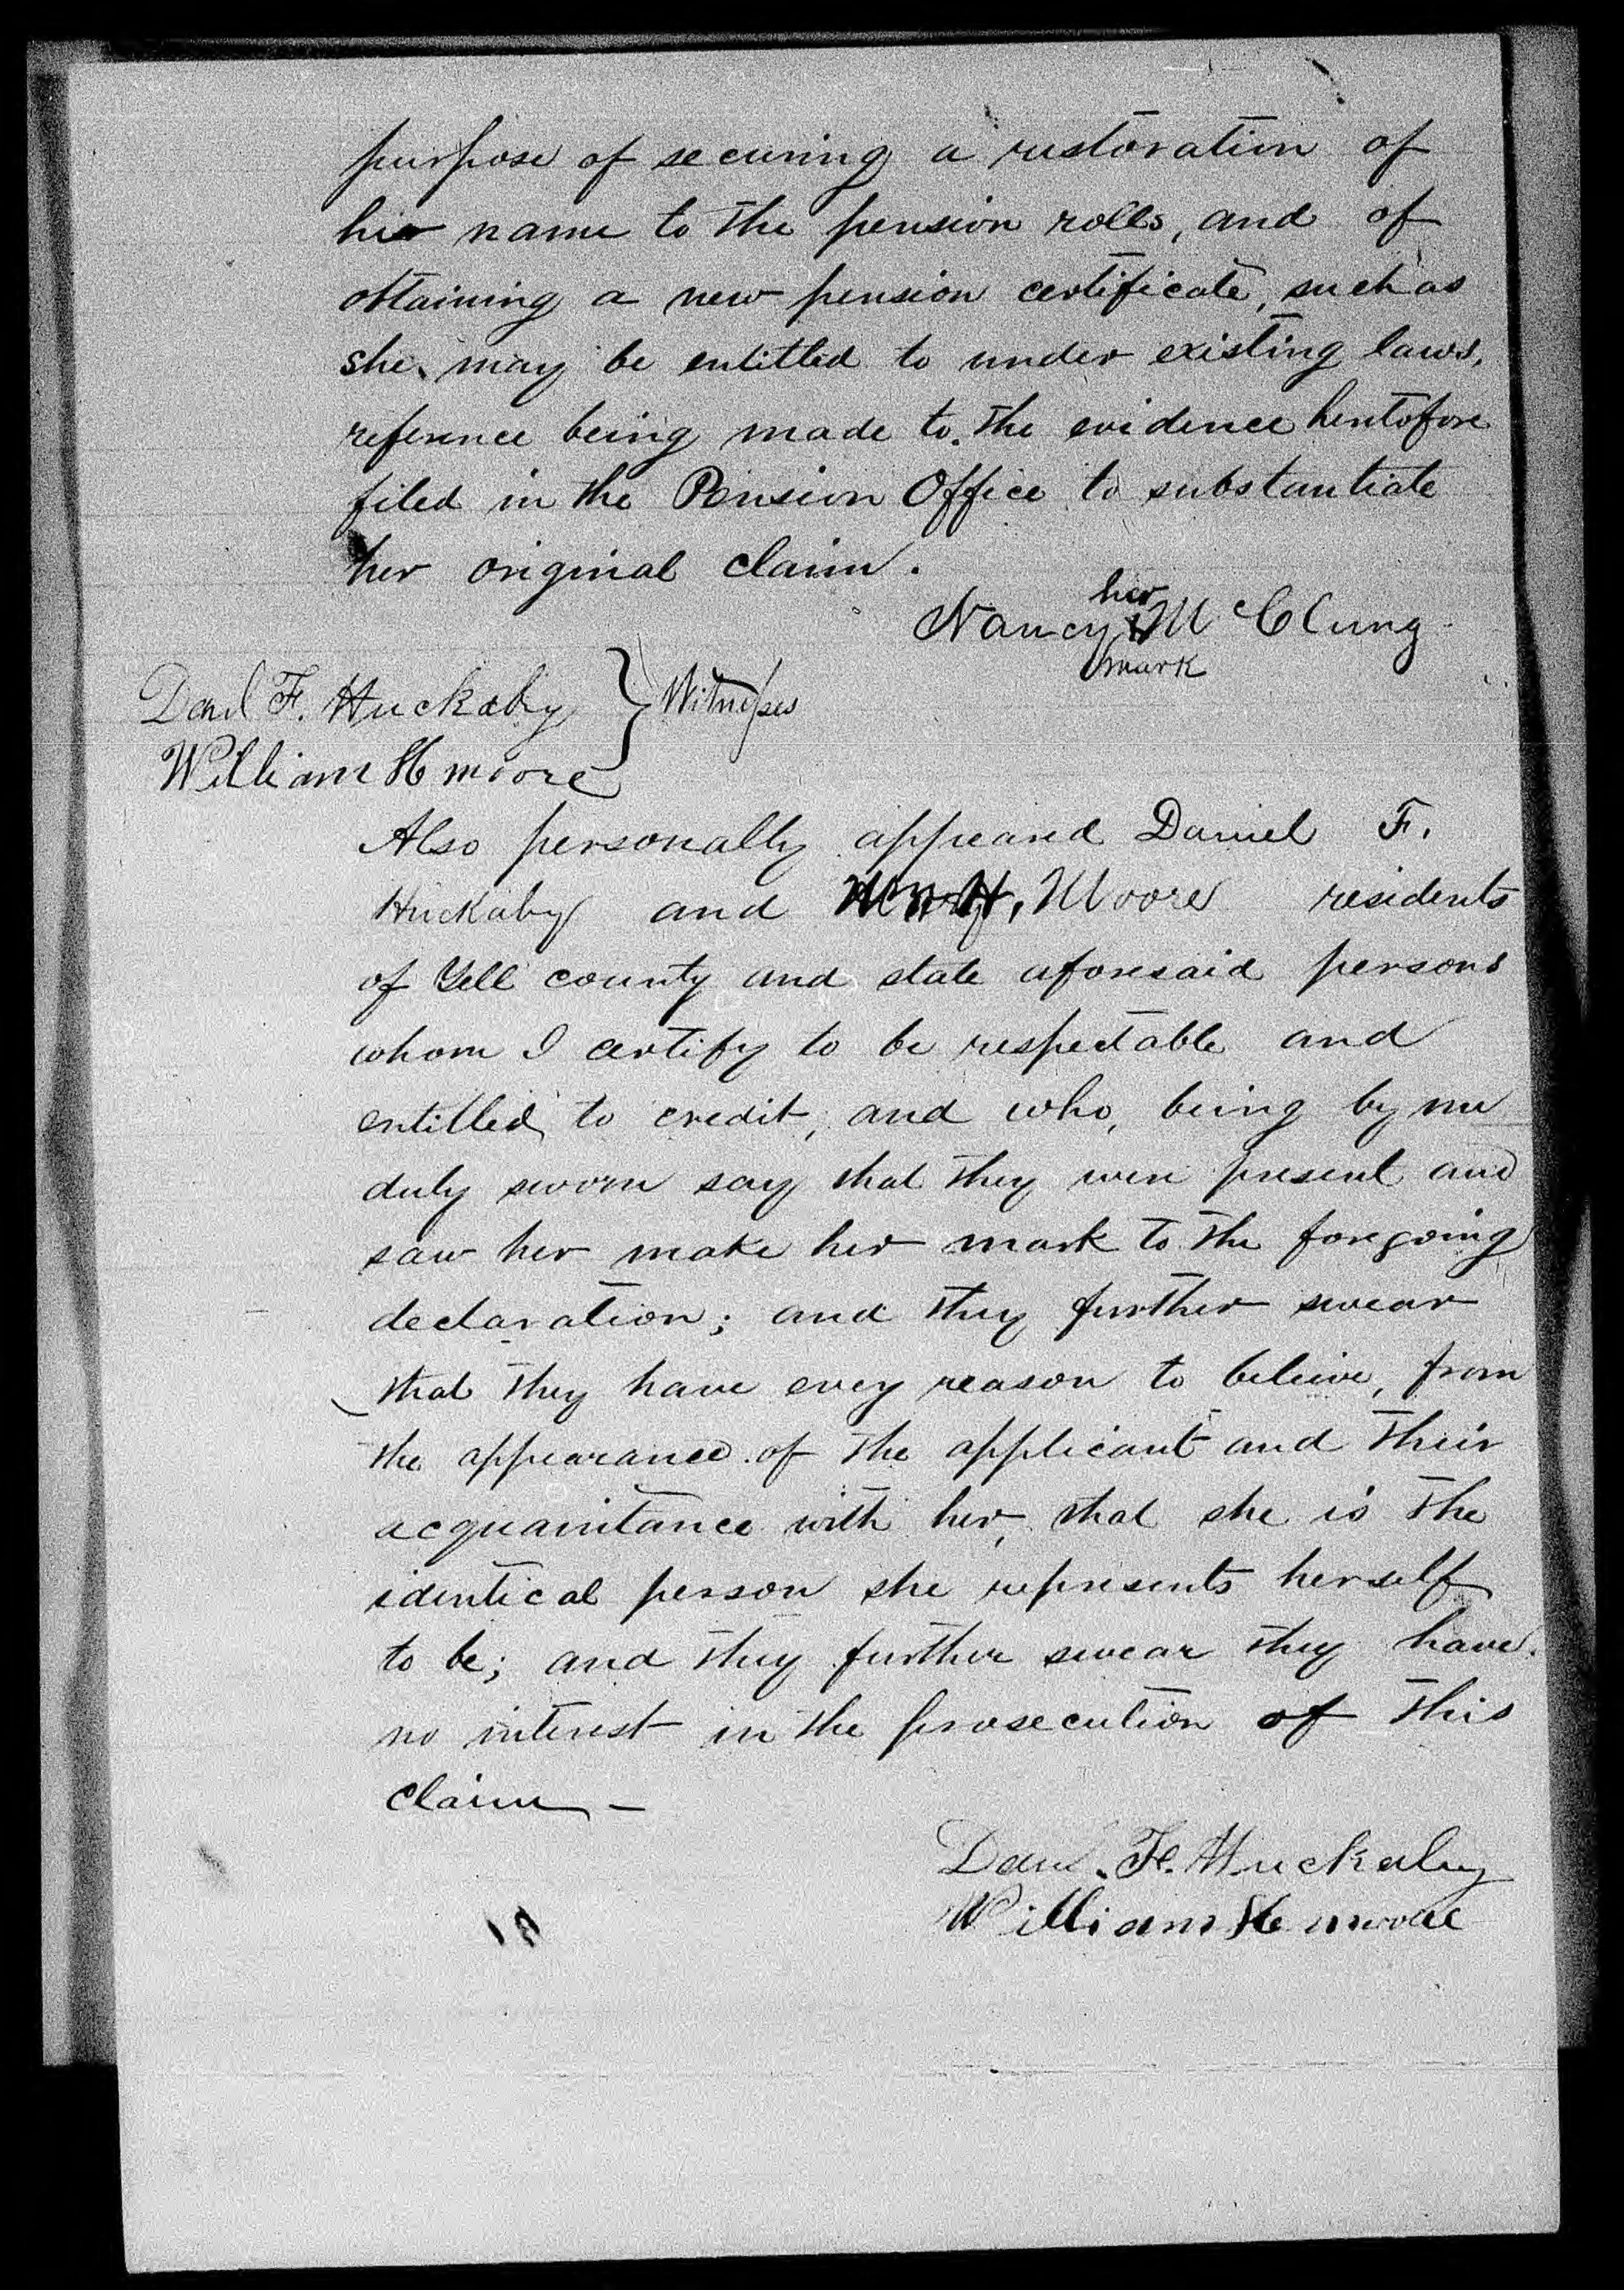purpose of securing a restoration of her name to the pension rolls, and of obtaining a new pension certificate, such as she may be entitled to under existing laws, reference being made to the evidence heretofore filed in the Pension Office to substantiate her original claim
[signed] Nancy X McClung her Mark
Daniel Huckaby  
William Moore Witnesses

Also personally  appeared Daniel F. Huckaby and Wm H. Moore residents of Yell County and state aforesaid persons whom I certify to be respectable and entitled to credit and who, being by me duly sworn say that they were present and saw her make her mark to the foregoing declaration; and they further swear that they have every reason to believe, from the appearance of the applicant and their
acquaintance with her, that she is the identical person she represents herself to be; and they further swear they have no interest in the prosecution of this claim -
Dan F. Muckley
William H Moore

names: Danl F Huckabey; Nancy Mc Clung; William H Moore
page: 114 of 115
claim: widow's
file: W. 1446, for John Mc Clung, South Carolina